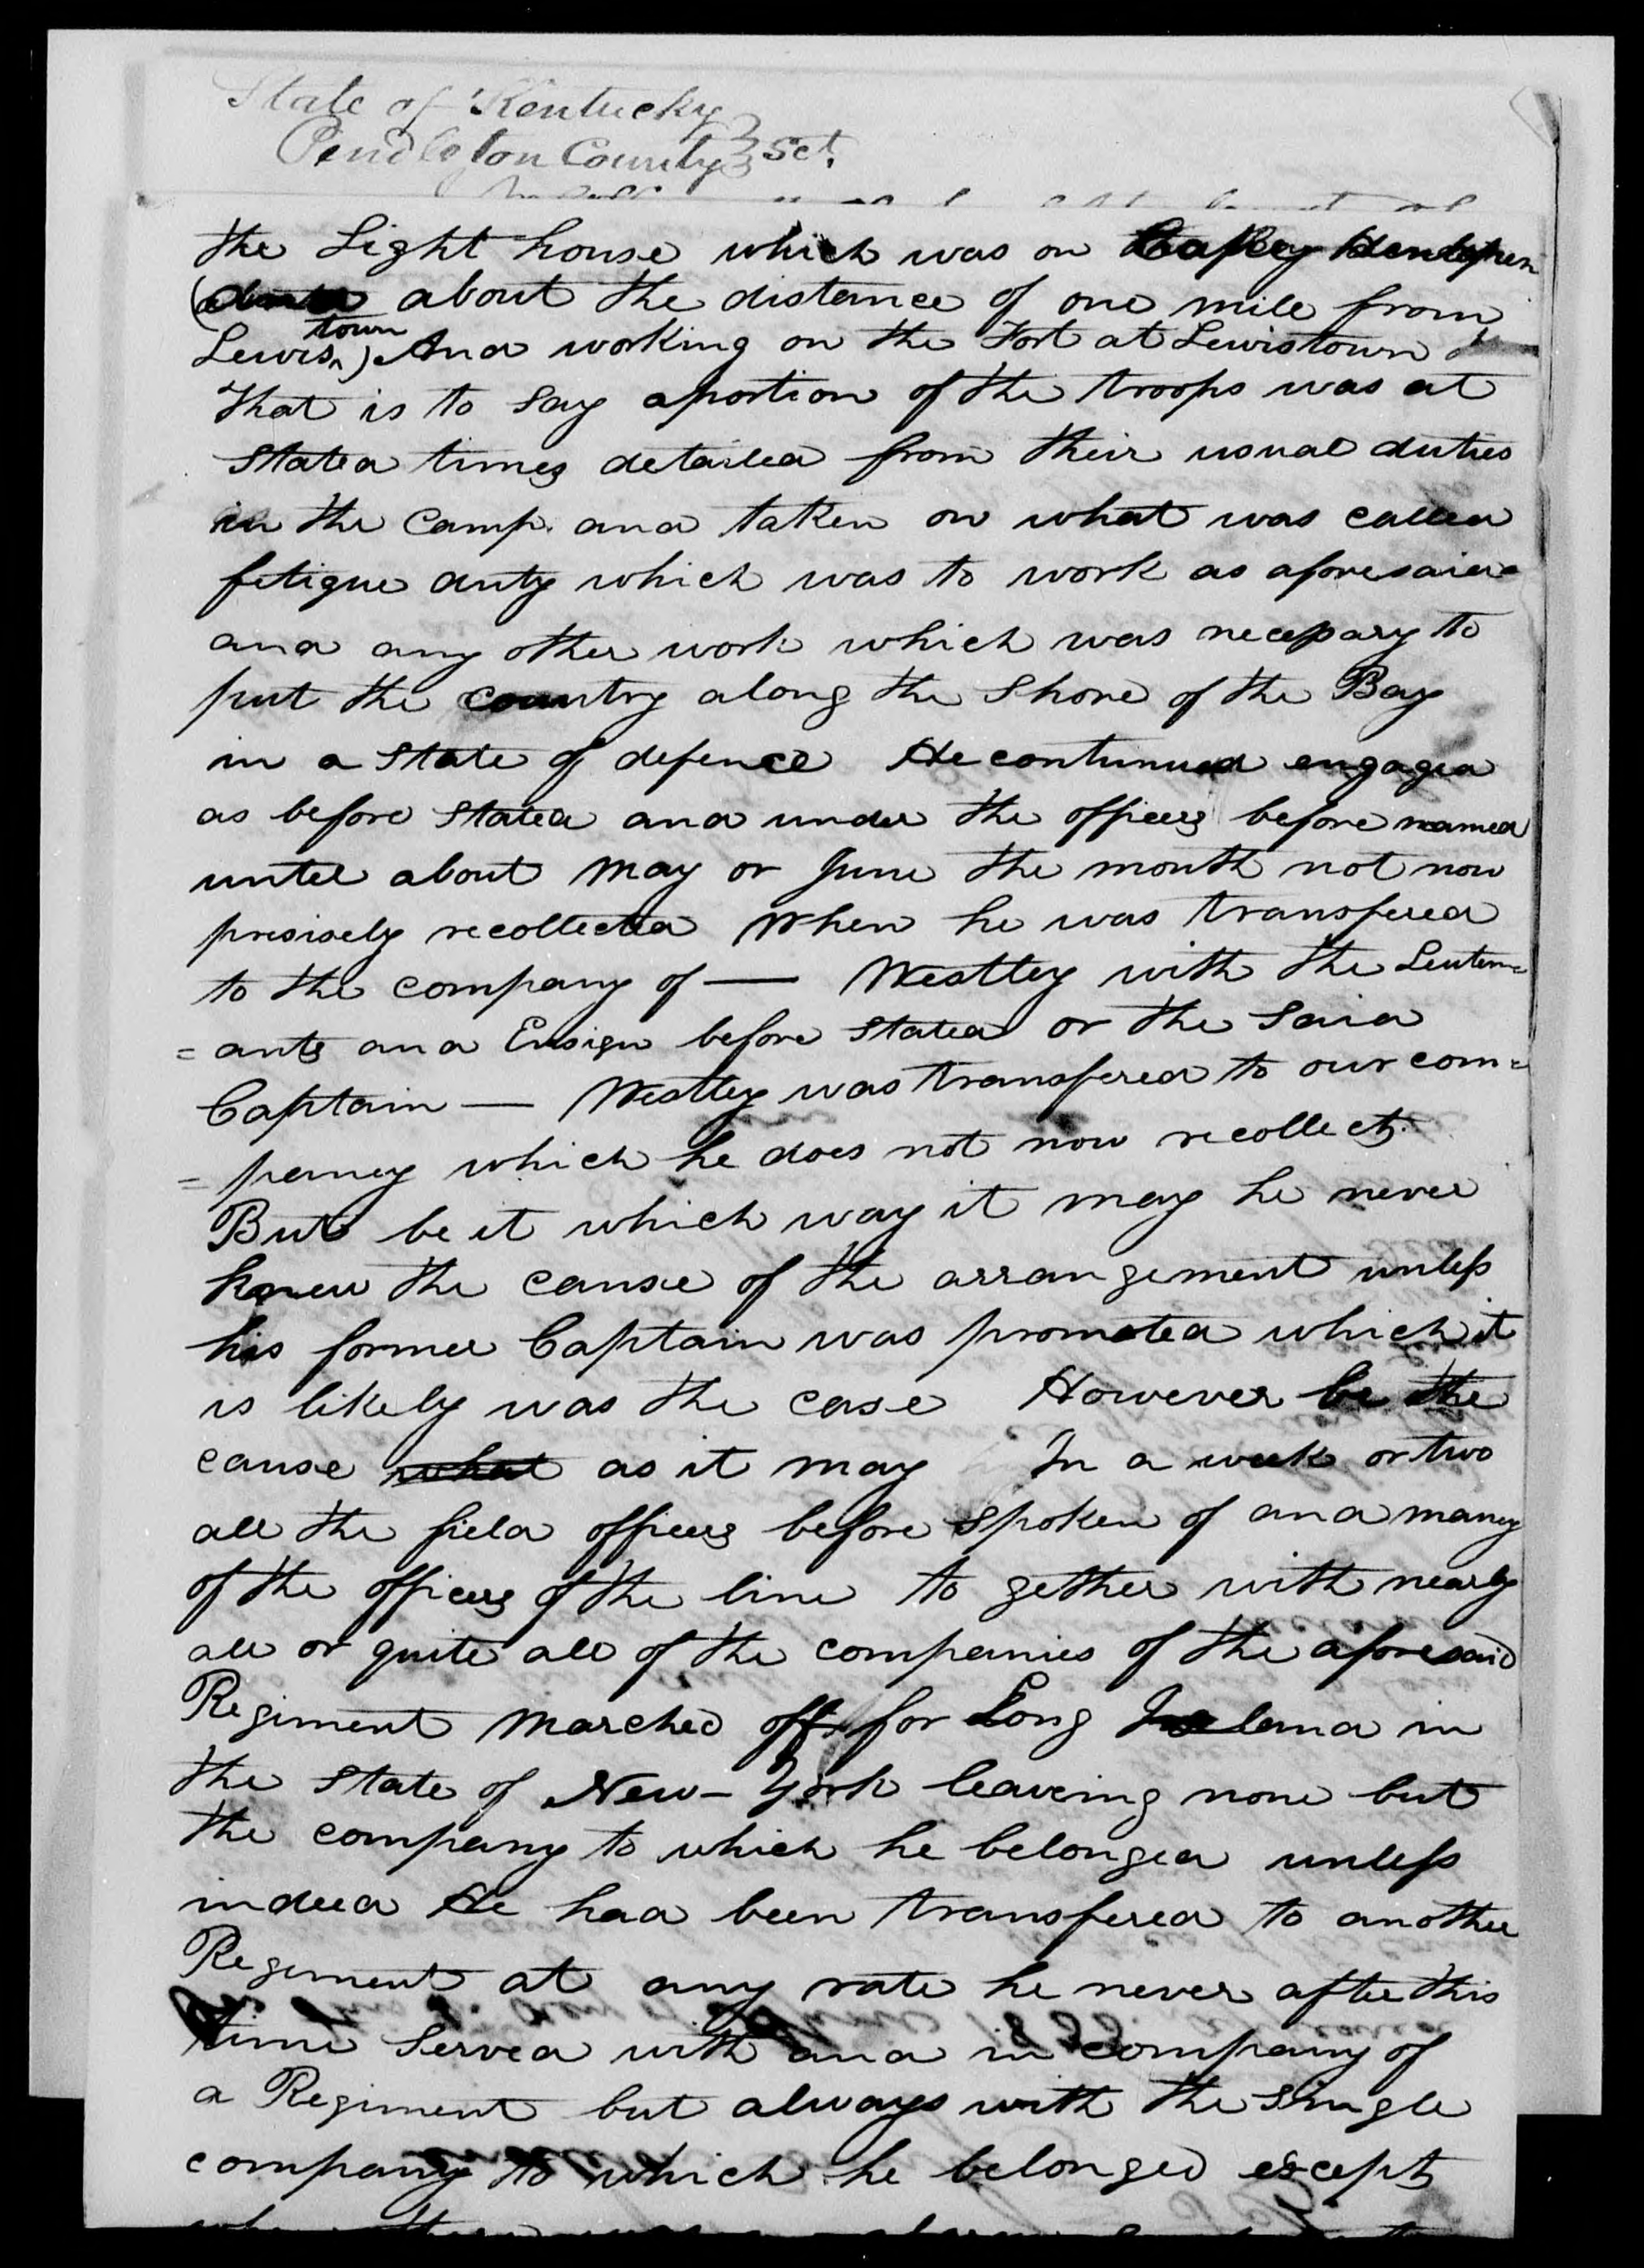The lighthouse which was on Cape Henlopen
About the distance of one mile from Lewistonand working on the fort at Lewiston that is to say a portion of the troops was at start or times detailed from their usual duties in the camp and taken on what was called fatigue duty which was to work as aforesaid and any other work which was necessary to put the country along the shore of the Bay in a state of defence.  He continued engaged as before stated and under the officers before named until about May or June the month not now precisely recollected when he was transferred to The company of Weattey with the Lieutenants and Ensigns or the said Captain - Weattey was transferred to our company Which he does not now recollect but be it which way it may he never knew the cause of the arrangement unless his former captain was promoted which it is likely was the case. However be the cause as it may in a week or two all the field officers before spoken of and many of the officers of the line together with nearly all or quite all of the companies of teh aforementioned regiment marched off for Long Island in the State of New York leaving none behind but the company t which he belonged unless indeed he had been transferred to another regiment at any rate he never after this time served with and in company of a regiment but always with the single company to which he belonged except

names: [BLANK] Weattey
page: 4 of 25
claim: survivor's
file: S. 13789, for Samuel Lockwood, Delaware